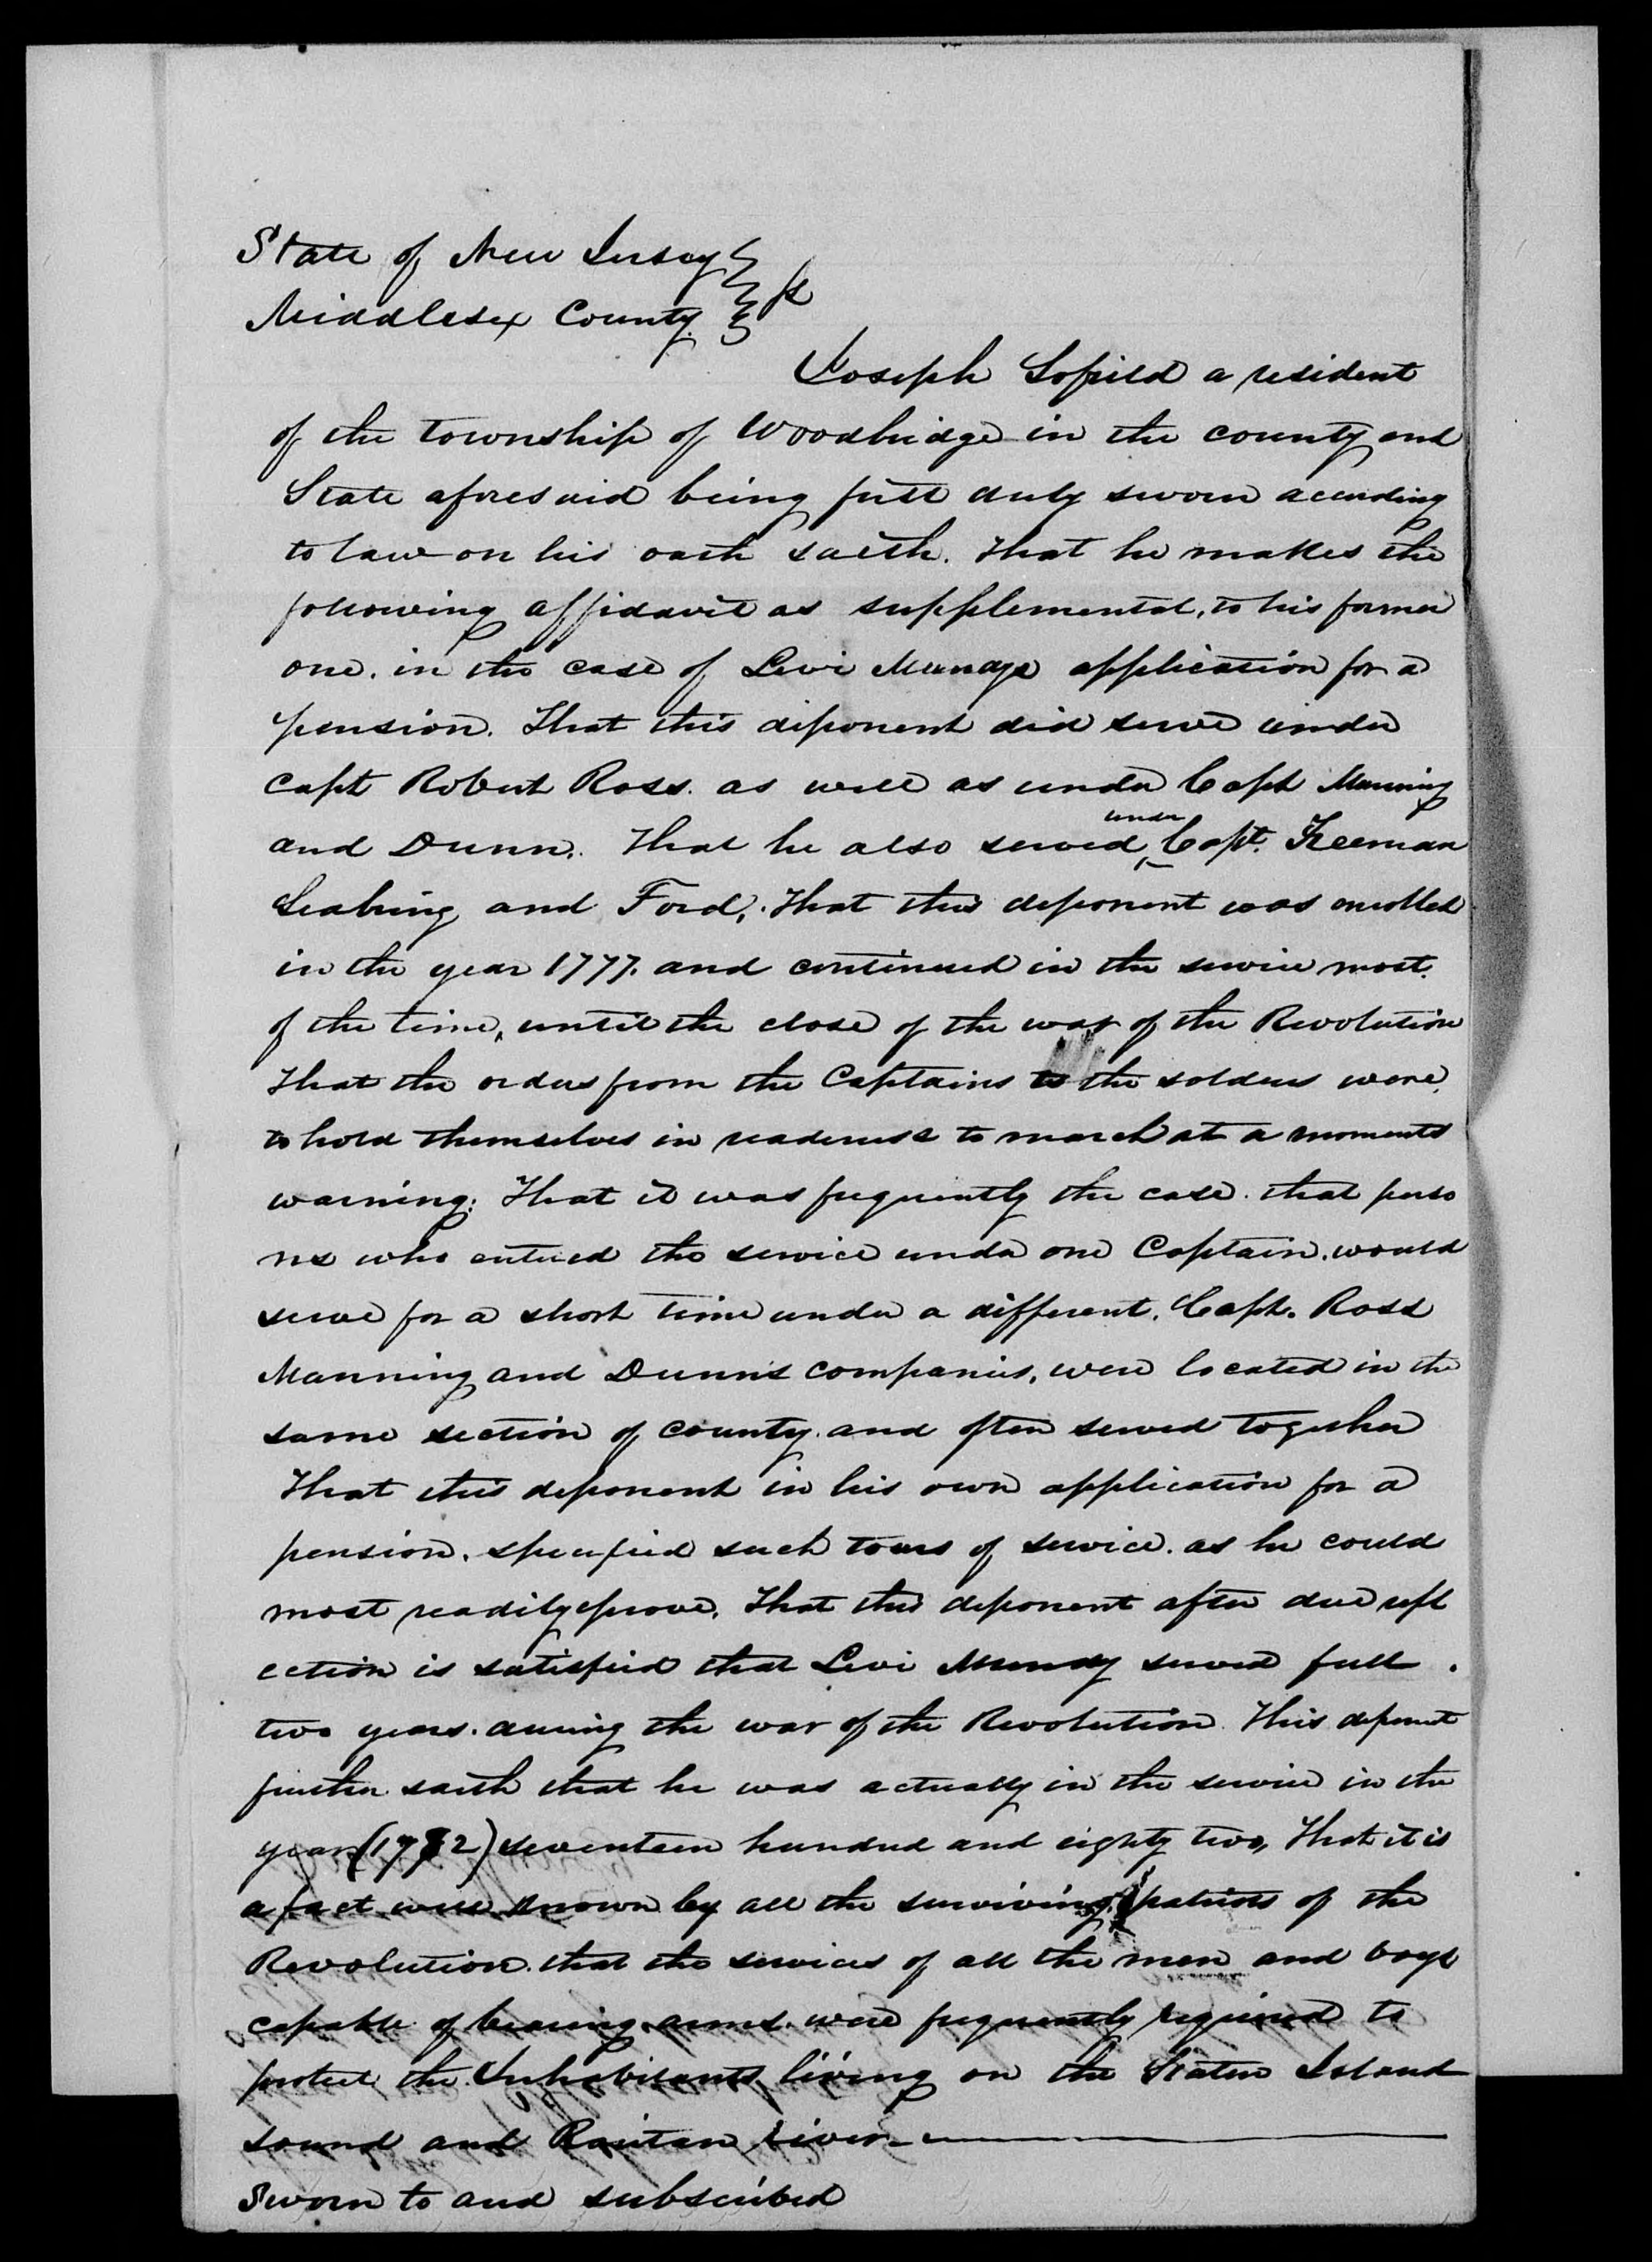State of New Jersey
Middlesex County//

Joseph Sofield, a resident of the Township of Woodbridge in the County and State aforesaid, being first duly sworn according to law on his oath saith, that he makes the following affidavit as supplemental to his former one in, the case of Levi Mundy's application for a pension. That this deponent did serve under Capt. Robert Ross as well as under Capts. Manning and Dunn. That he also served under Capts. Freeman, Seabring and Ford. That this deponent was enrolled in the year 1777 and continued in the service most of the time, until the close of the War of the Revolution. That the orders from the captains to the soldiers were to hold themselves in readiness to march at a moment's warning; That it was frequently the case that persons who entered the service under one captain would serve for a short time under a different (one). Capts. Ross, Manning and Dunn's companies were located in the same section of the County and often served together. That this deponent, in his own application for a pension, specified such tours of service as he could most readily prove. That this deponent after due reflection is satisfied that Levi Mundy served full two years during the War of the Revolution. This deponent
further saith that he was actually in the service in the year (1782) Seventeen Hundred and Eighty two. That it is a fact well known by all the surviving patriots of the Revolution that the services of all the men and boys capable of bearing arms were frequently required to protect the inhabitant living on the Staten Island Sound and Raritan River.

Sworn to and subscribed...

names: [BLANK] Ford; Levi Mundy; [BLANK] Seabring; [BLANK] Manning; [BLANK] Dunn; Ross Manning; [BLANK] Freeman; Robert Ross; Joseph Sofield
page: 71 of 95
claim: survivor's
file: S 2889, for Levi Mundy, New Jersey